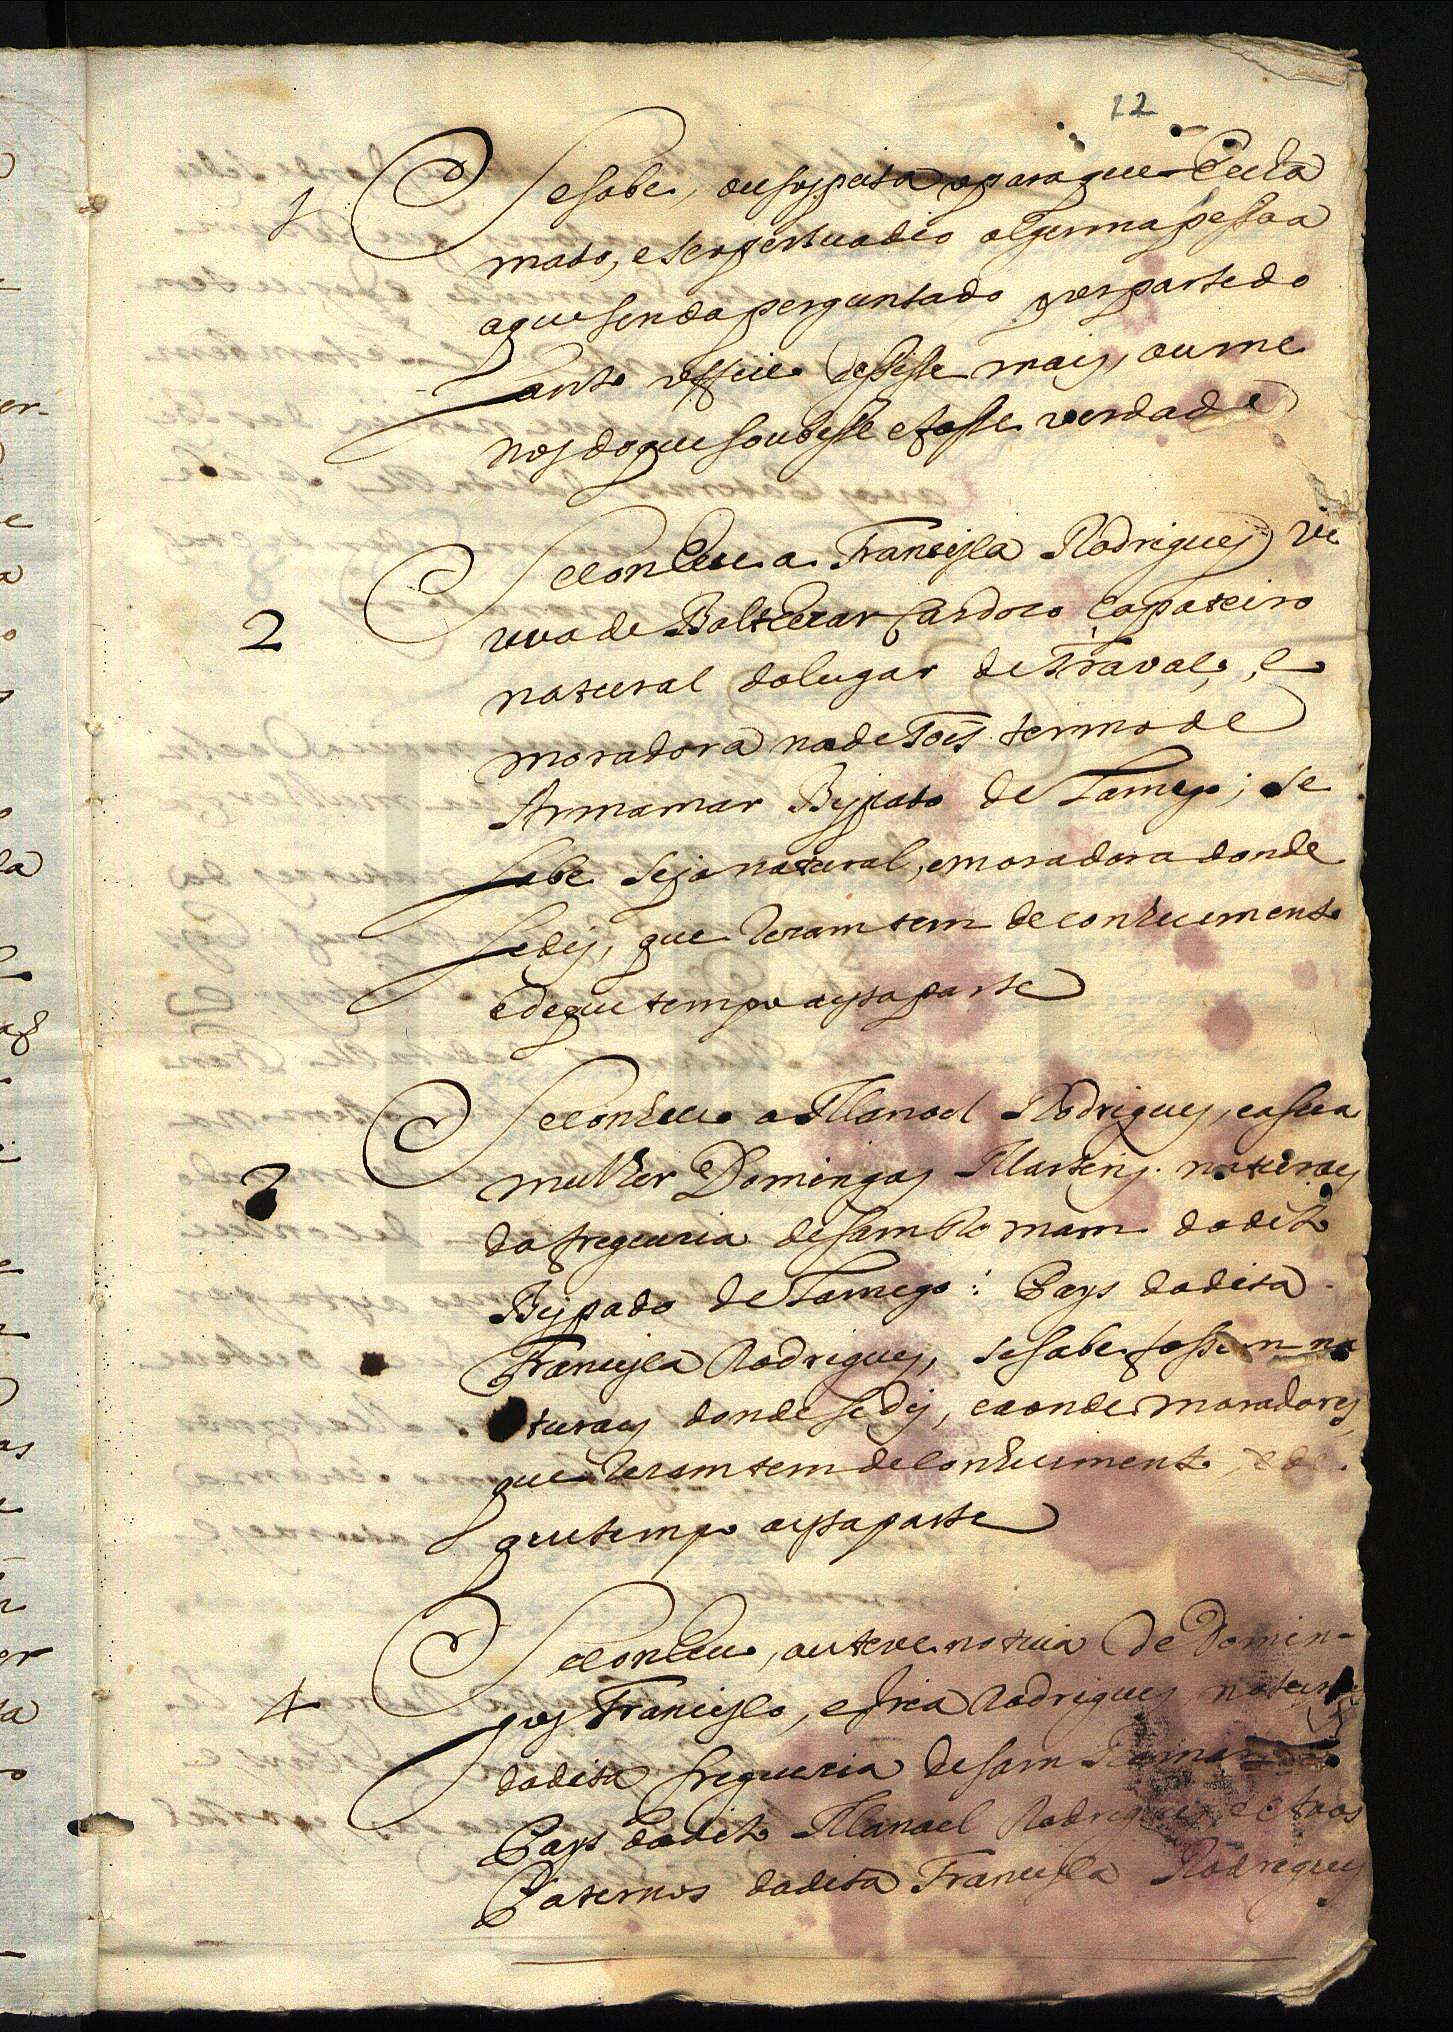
se sabe, ou sospeita o para que he cha
mado, e se o persuadio alguma pessoa
a que sendo perguntado por parte do
Santo officio dessesse mais, ou me
nos do que soubesse e fosse verdade
Se conhece a Francisca Rodrigues vi
uva de Balthezar Cardozo çapateiro
natural do lugar de Travaço, e
moradora no de Toẽs termo de
Armamar Bispado de Lamego; se
sabe seja natural, e moradora donde
se dis, que Rezam tem de conhecimento
e de que tempo a esta parte
Se conhece a Manoel Rodrigues, e a sua
mulher Domingas Martins naturaes
da freguezia de sam Romam do dito
Bispado de Lamego: Pays da dita
Francisca Rodrigues, se sabe foss_m na
turaes donde se dis, e aonde moradores
que Rezam tem de conhecimento, e de
que tempo a esta parte
Se conheceo, ou teve noticia de Domin
gos Francisco, e Jria Rodrigues natur_s
da dita freguezia de sam Romam _
Pays do dito Manoel Rodrigues e Avos
Paternos da dita Francisca Rodrigues
